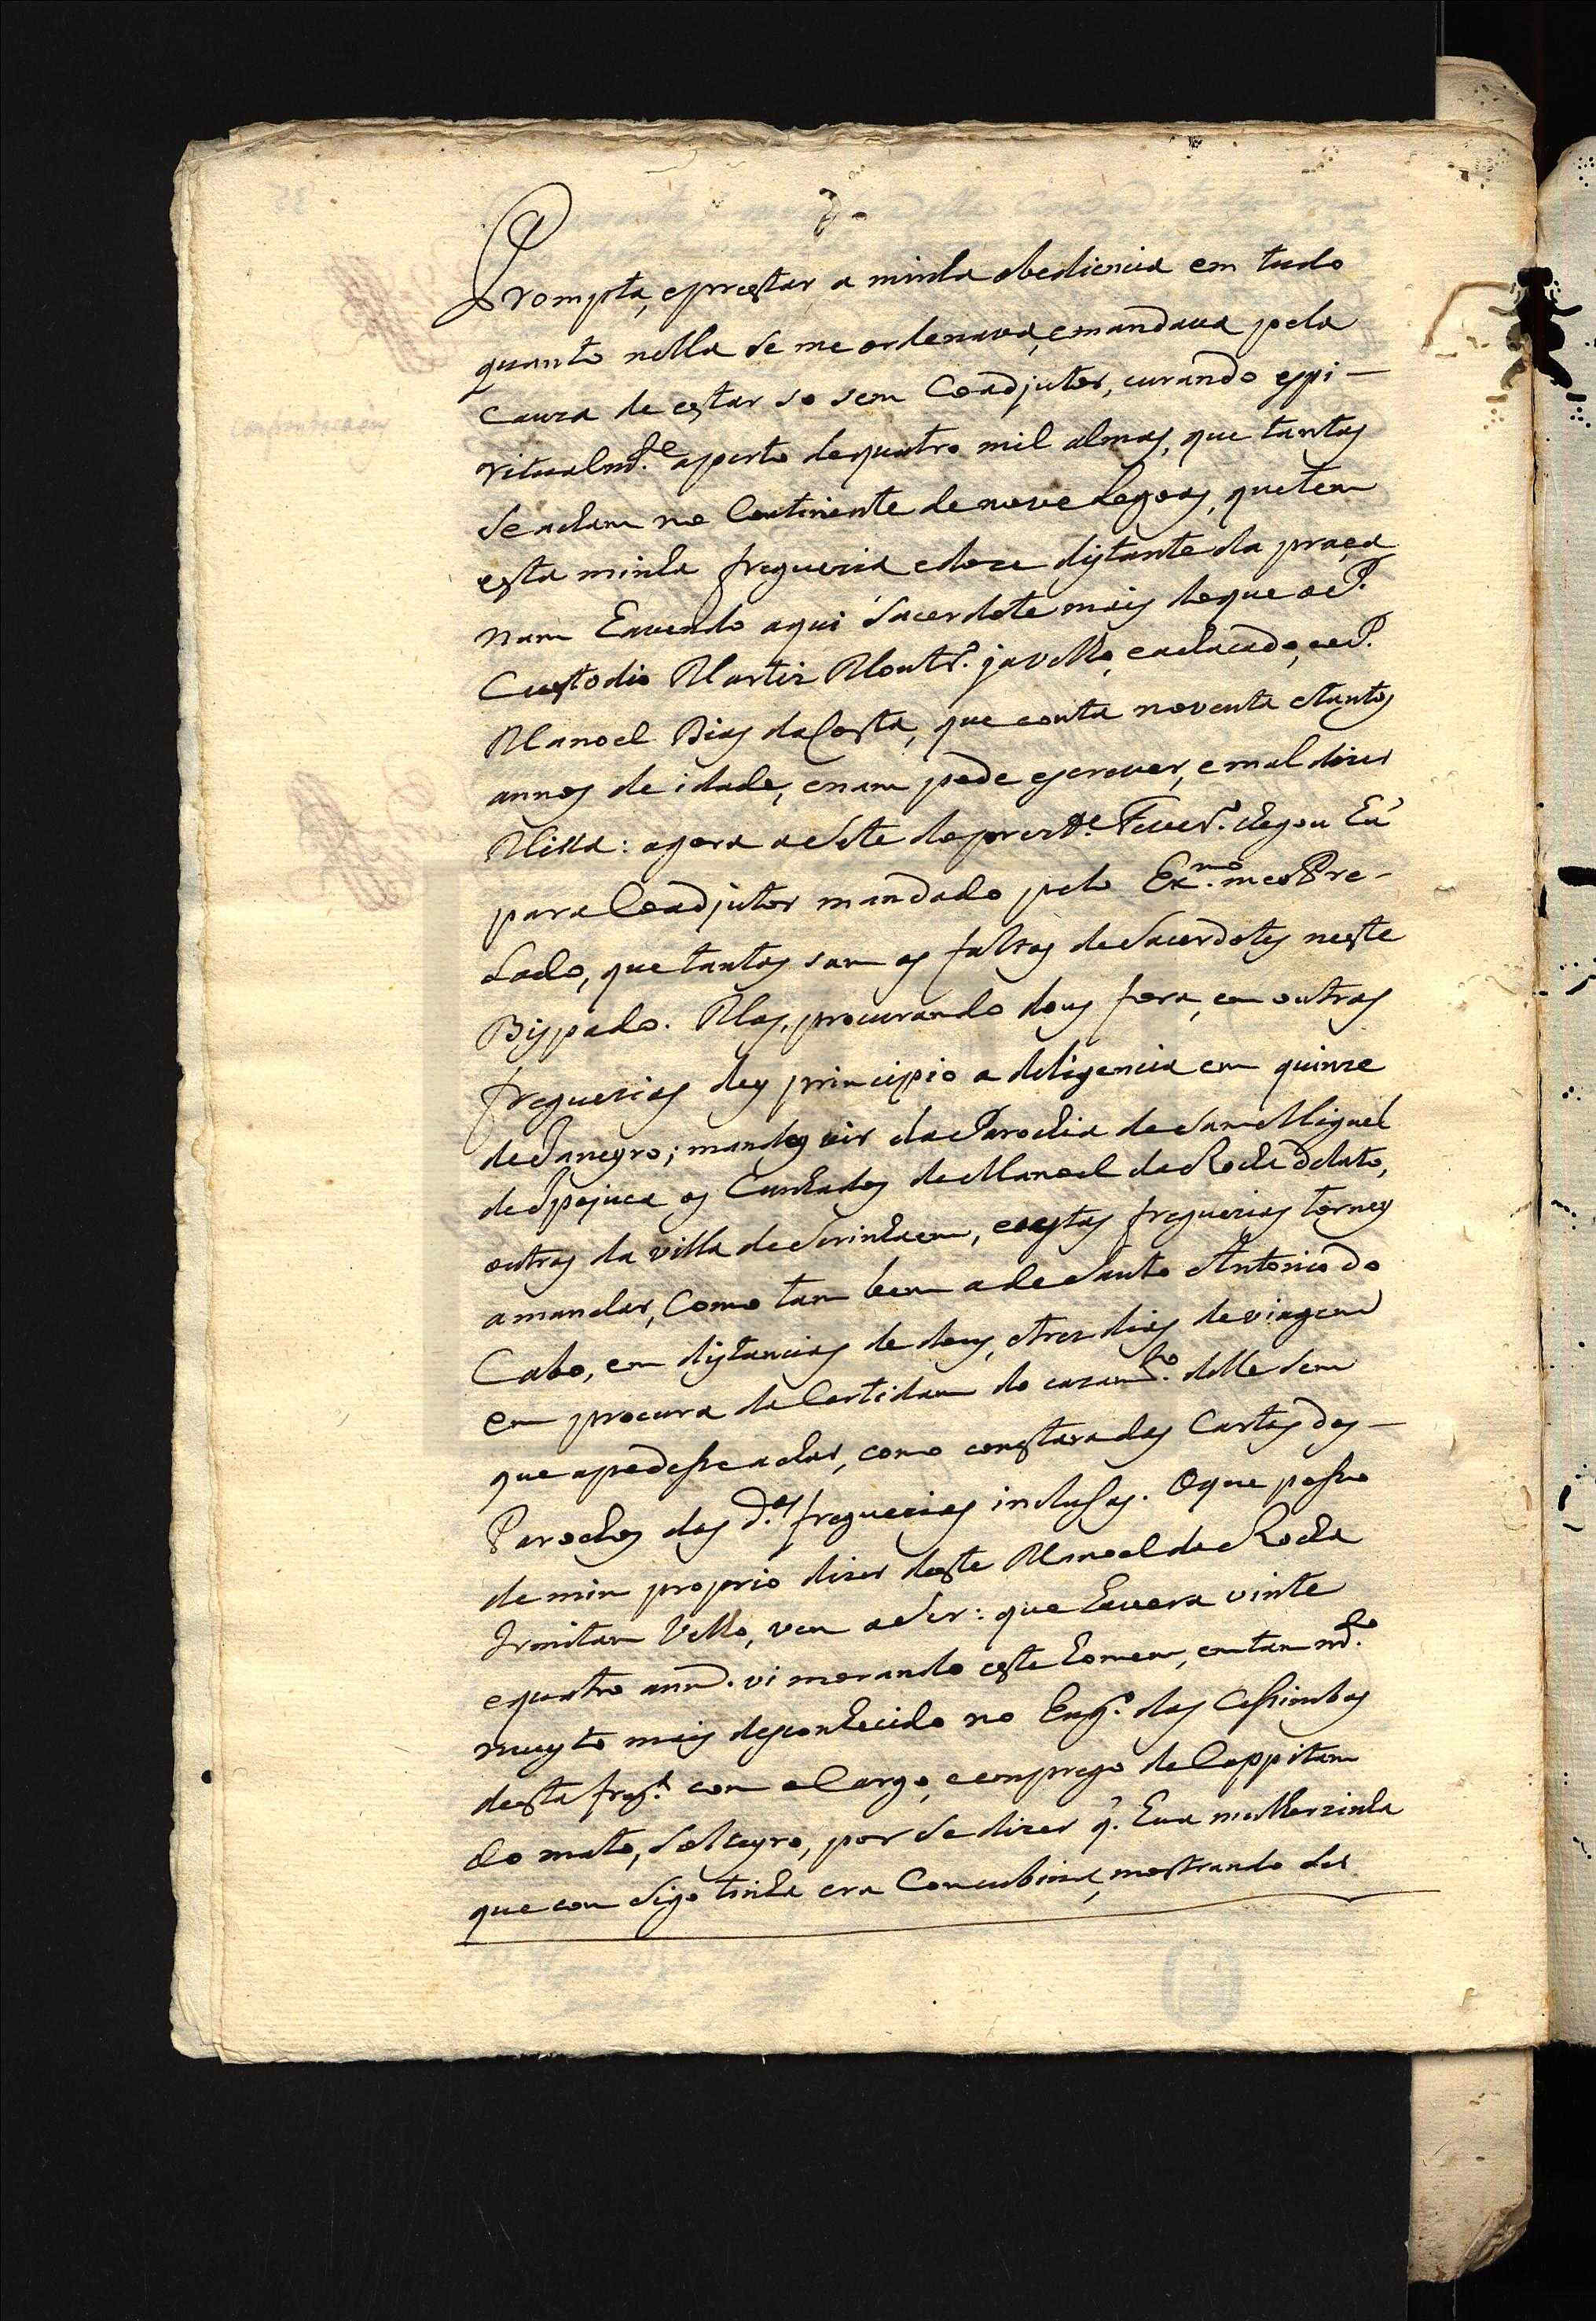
Prompta, e prestar, a minha obediencia em tudo
quanto nella se me ordenava, e mandaua pela
cauza de estar so sem coadjutor, curando espi
ritualm.te a perto de quatro mil almas, que tantas
se acham no Continente de nove Legoas, que tem
esta minha freguezia e doze distante da praça
nam havendo aqui Sacerdote mais do que o P.
Custodio Martiz Montr.o ja velho, e achacado, e o P.
Manoel Dias da Costa, que conta noventa e tantos
annos de idade, e nam pode escrever, e mal dizer
Missa: agora a sete do prezt.e Fever.o chegou hū
para Coadjutor mandado pelo Ex.mo meo Pre
Lado, que tantos sam as faltas de Sacerdotes neste
Bispado. Mas, procurando dous fora, em outras
freguezias dey principio a deligencia em quinze
de Janeyro; mandey vir da Parochia de Sam Miguel
de Ipojuca os Cunhados de Manoel da Rocha delato,
outras da villa de Serinhaem, e a estas freguezias torney
a mandar, Como tambem a de Santo Antonio do
Cabo, em distancias de dous, e trez dias de viagem
em procura de Certidam do cazamto. delle sem
que a podesse achar, como constara das Cartas dos
Parochos das d.as freguezias inclusas. O que posso
de min proprio dizer deste Manoel da Rocha
Irmitan Velho, ven a ser: que havera vinte
e quatro ann̄. vi morando este homem, emtan m.to
muyto mais desconhecido no Eng.o das Cassimbas
desta freg.a con o Cargo, e emprego de Cappitam
do mato, solteyro, por se dizer q̄ hua mulherzinha
que consigo tinha era Concubina, e mostrando dar
